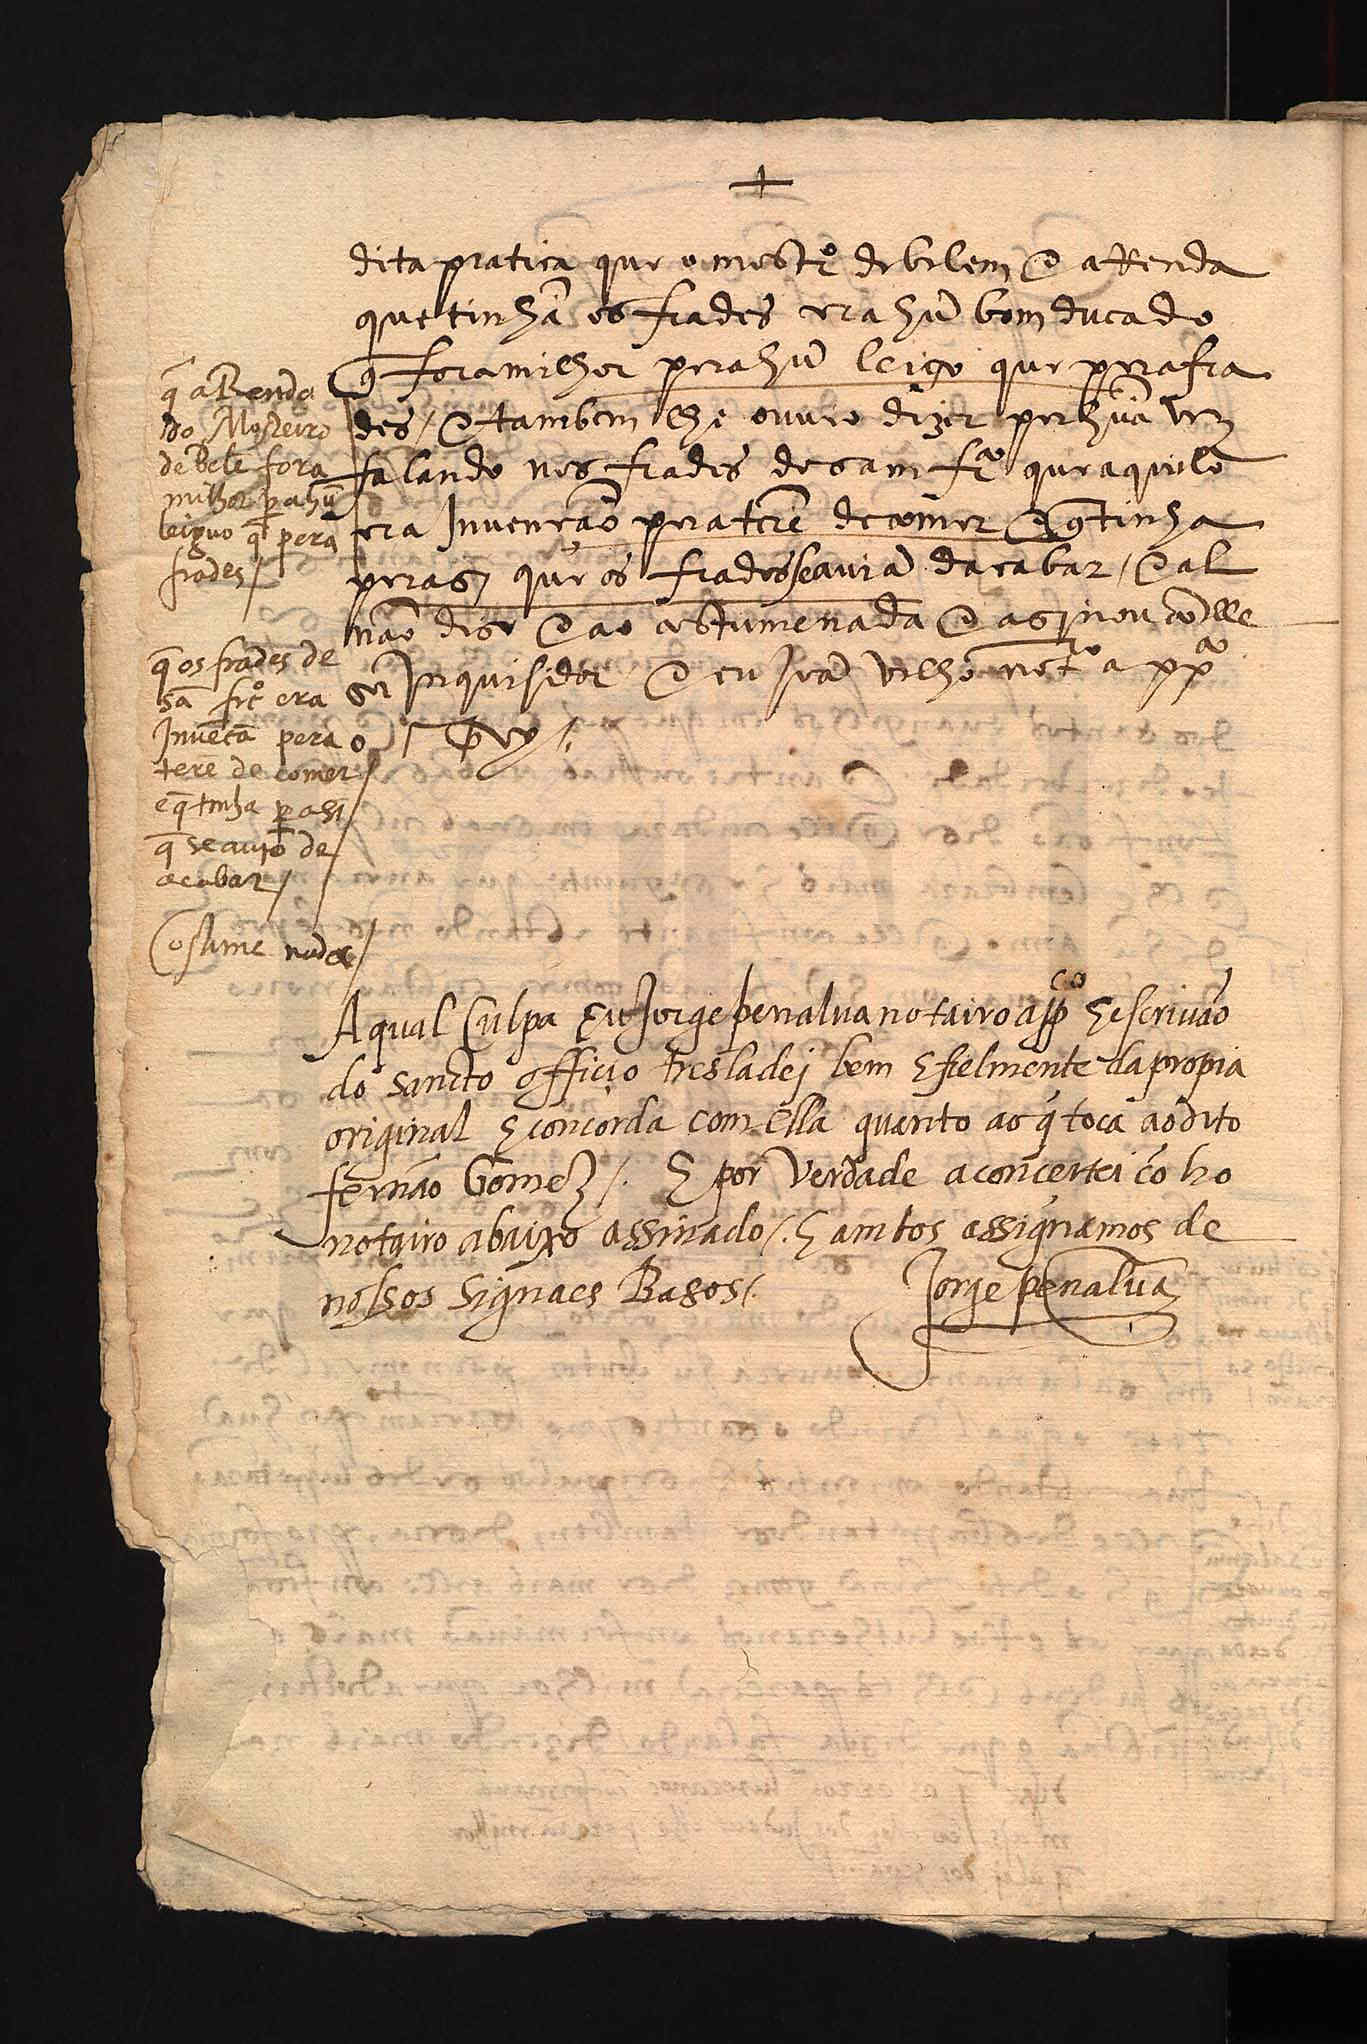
dita pratica que o mostro de belem e aRenda
que tinhā os frades era hū bom ducado
q̄ fora milhor pera hū leigo que pera fra
q̄ a Renda
des / e tambem lhe ouuio dizer por hūa vez
do Mosteiro
de Belē fora
falando nos frades de sam frco que aquilo
milhor ꝑa hū
era Jnuenção pera terē de comer e q̄ tinha
leiguo q̄ pera
pera sj que os frades se auiā dacabar / e al
frades /.
não dise e ao costume nada e asjnou cō elle
q̄ os frades de
sor̄ Jnquisidor e eu Joā velho notro appco
sā frco era
o sp̄vy
Jnuēcā pera
terē de comer
e q̄ tinha ꝑa si
q̄ se aujō de
acabar
Costume nada
A qual Culpa Eu Jorge penalua notairo appco E escriuão
do sancto officio tresladej bem E fielmente da propia
original E concorda com ella quanto ao q̄ toca ao dito
fernão Gomez /. E por verdade a concertei cō ho
notairo a baixo assinado /. E ambos assignamos de
Jorge Penalua
nossos Signaes Rasos /.
